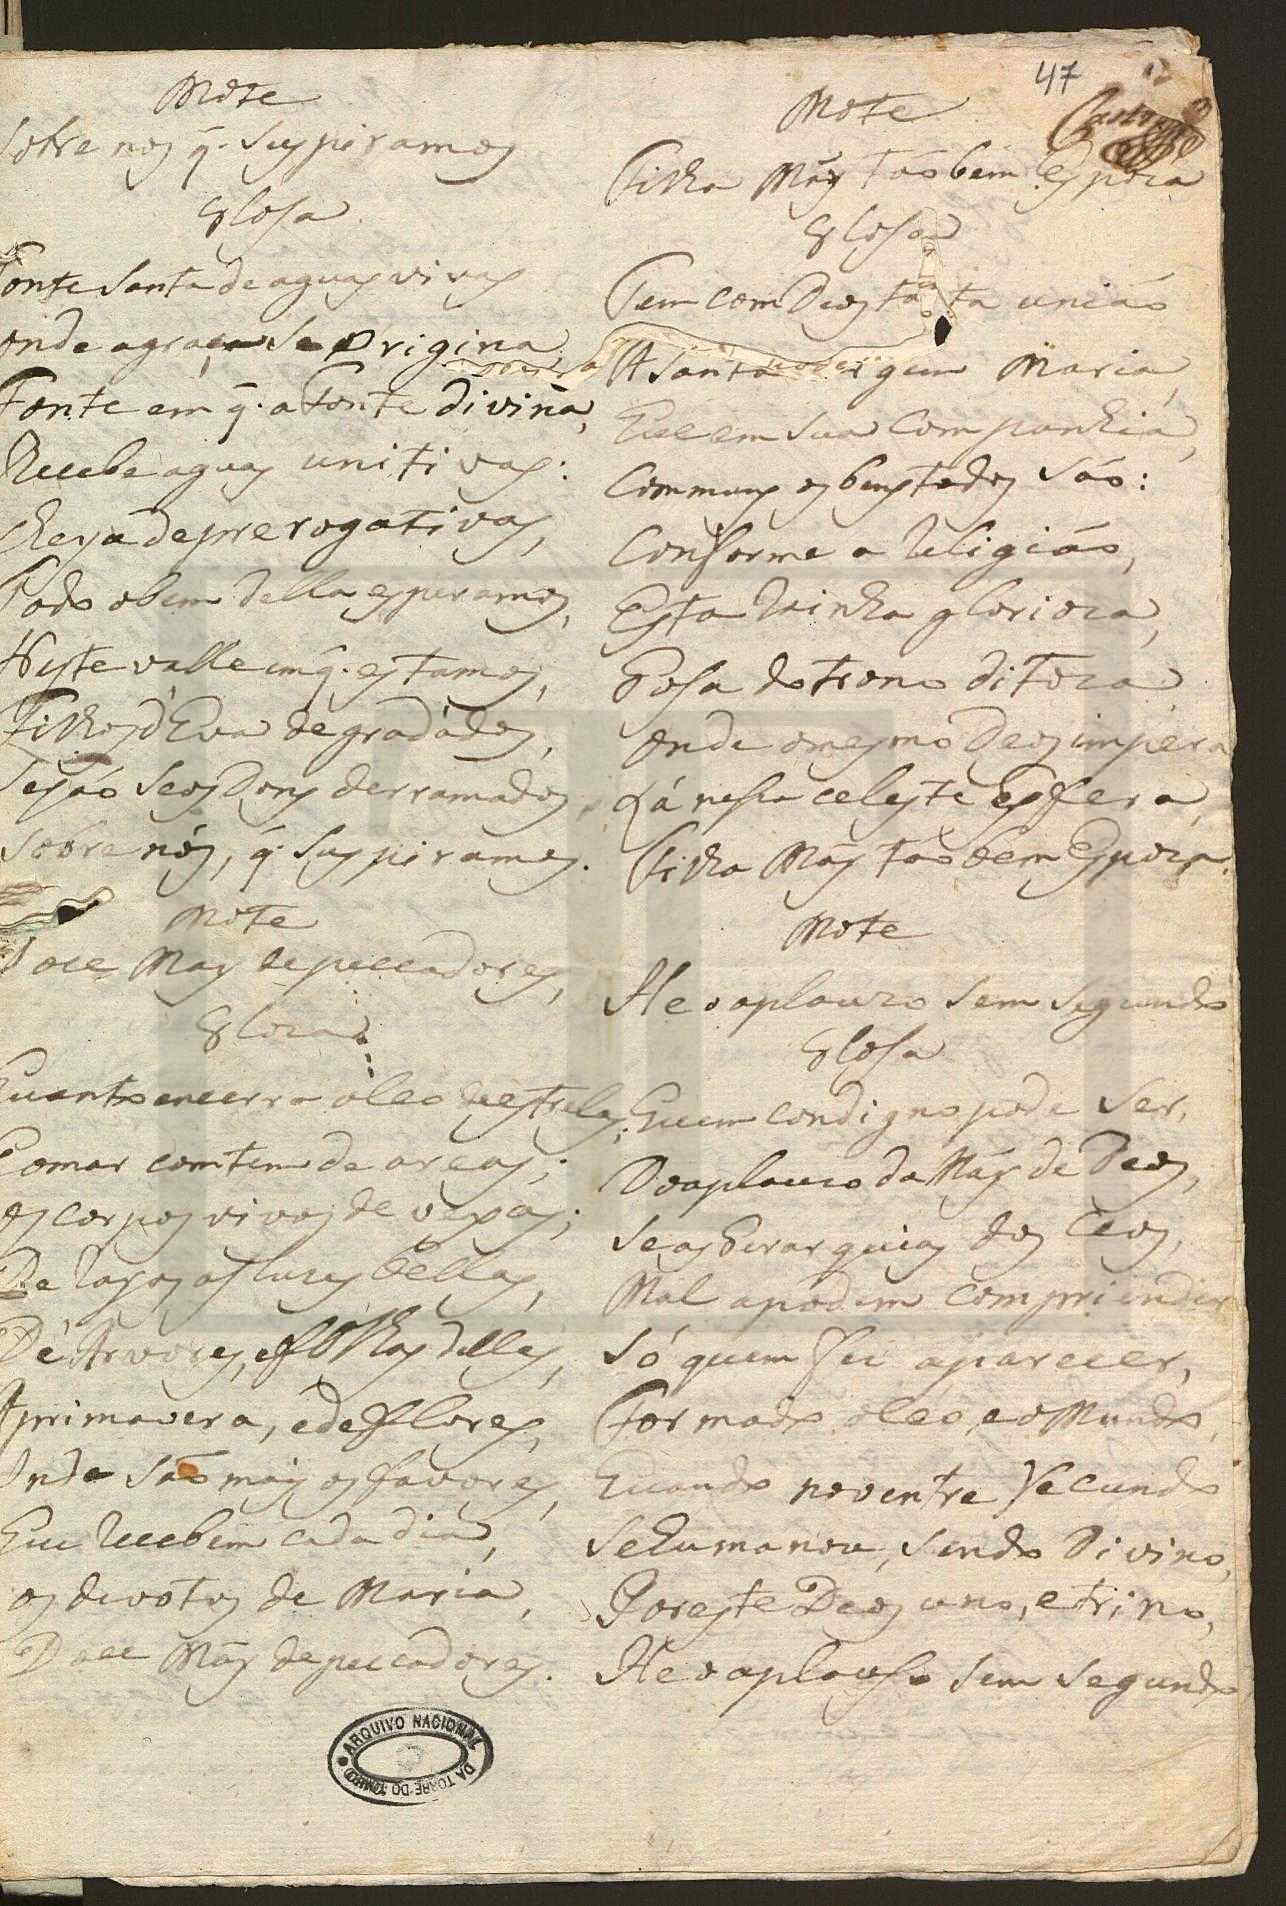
Mote
Sobre nos q̄ suspiramos
Glosa
Fonte Santa de aguas vivas
Onde a graça se Origina;
Fonte em q̄ a Fonte divina,
Recebe aguas unitivas:
Cheya de prerogativas,
Todo o bem della esperamos,
Neste valle em q̄ estamos,
Filhos d'Eva degradados,
Sejaõ seos dons derramados
Sobre nós, q̄ suspiramos.
Mote
_oce May de peccadores,
Gloza
Quanto encerra o Ceo de estrelas,
E o mar comtem de arcas;
Os corpos vivos de veyas;
De Rayos as luzes bellas,
De Arvores, e folhas dellas,
A primavera, e de flores,
Inda são mais os favores
Que Recebem cada dia,
Os devotos de Maria,
Doce Mãy de peccadores.
Mote
Filha mãy taõbem Espoza
Glosa
Tem com Deos ta_ta uniaõ
A Santa __ rgem Maria
Que em Sua Companhia,
Communs os bens todos saõ:
Conforme a Religiaõ,
Esta Rainha glorioza,
Gosa do trono ditoza
Onde o mesmo Deos impera
Lá nessa celeste Esfera,
Filha Mãy taõbem Espoza.
Mote
He o aplauzo sem Segundo
Glosa
Quem condigno pode Ser,
Do aplauzo da Mãy de Deos,
Se as herarguias dos Ceos,
Mal a podem compriender
Só quem fez aparecer,
Formado o Ceo, e o Mundo,
Quando no ventre fecundo
Se humanou, Sendo divino,
Por este Deos uno, e trino,
He o aplauso Sem Segundo
